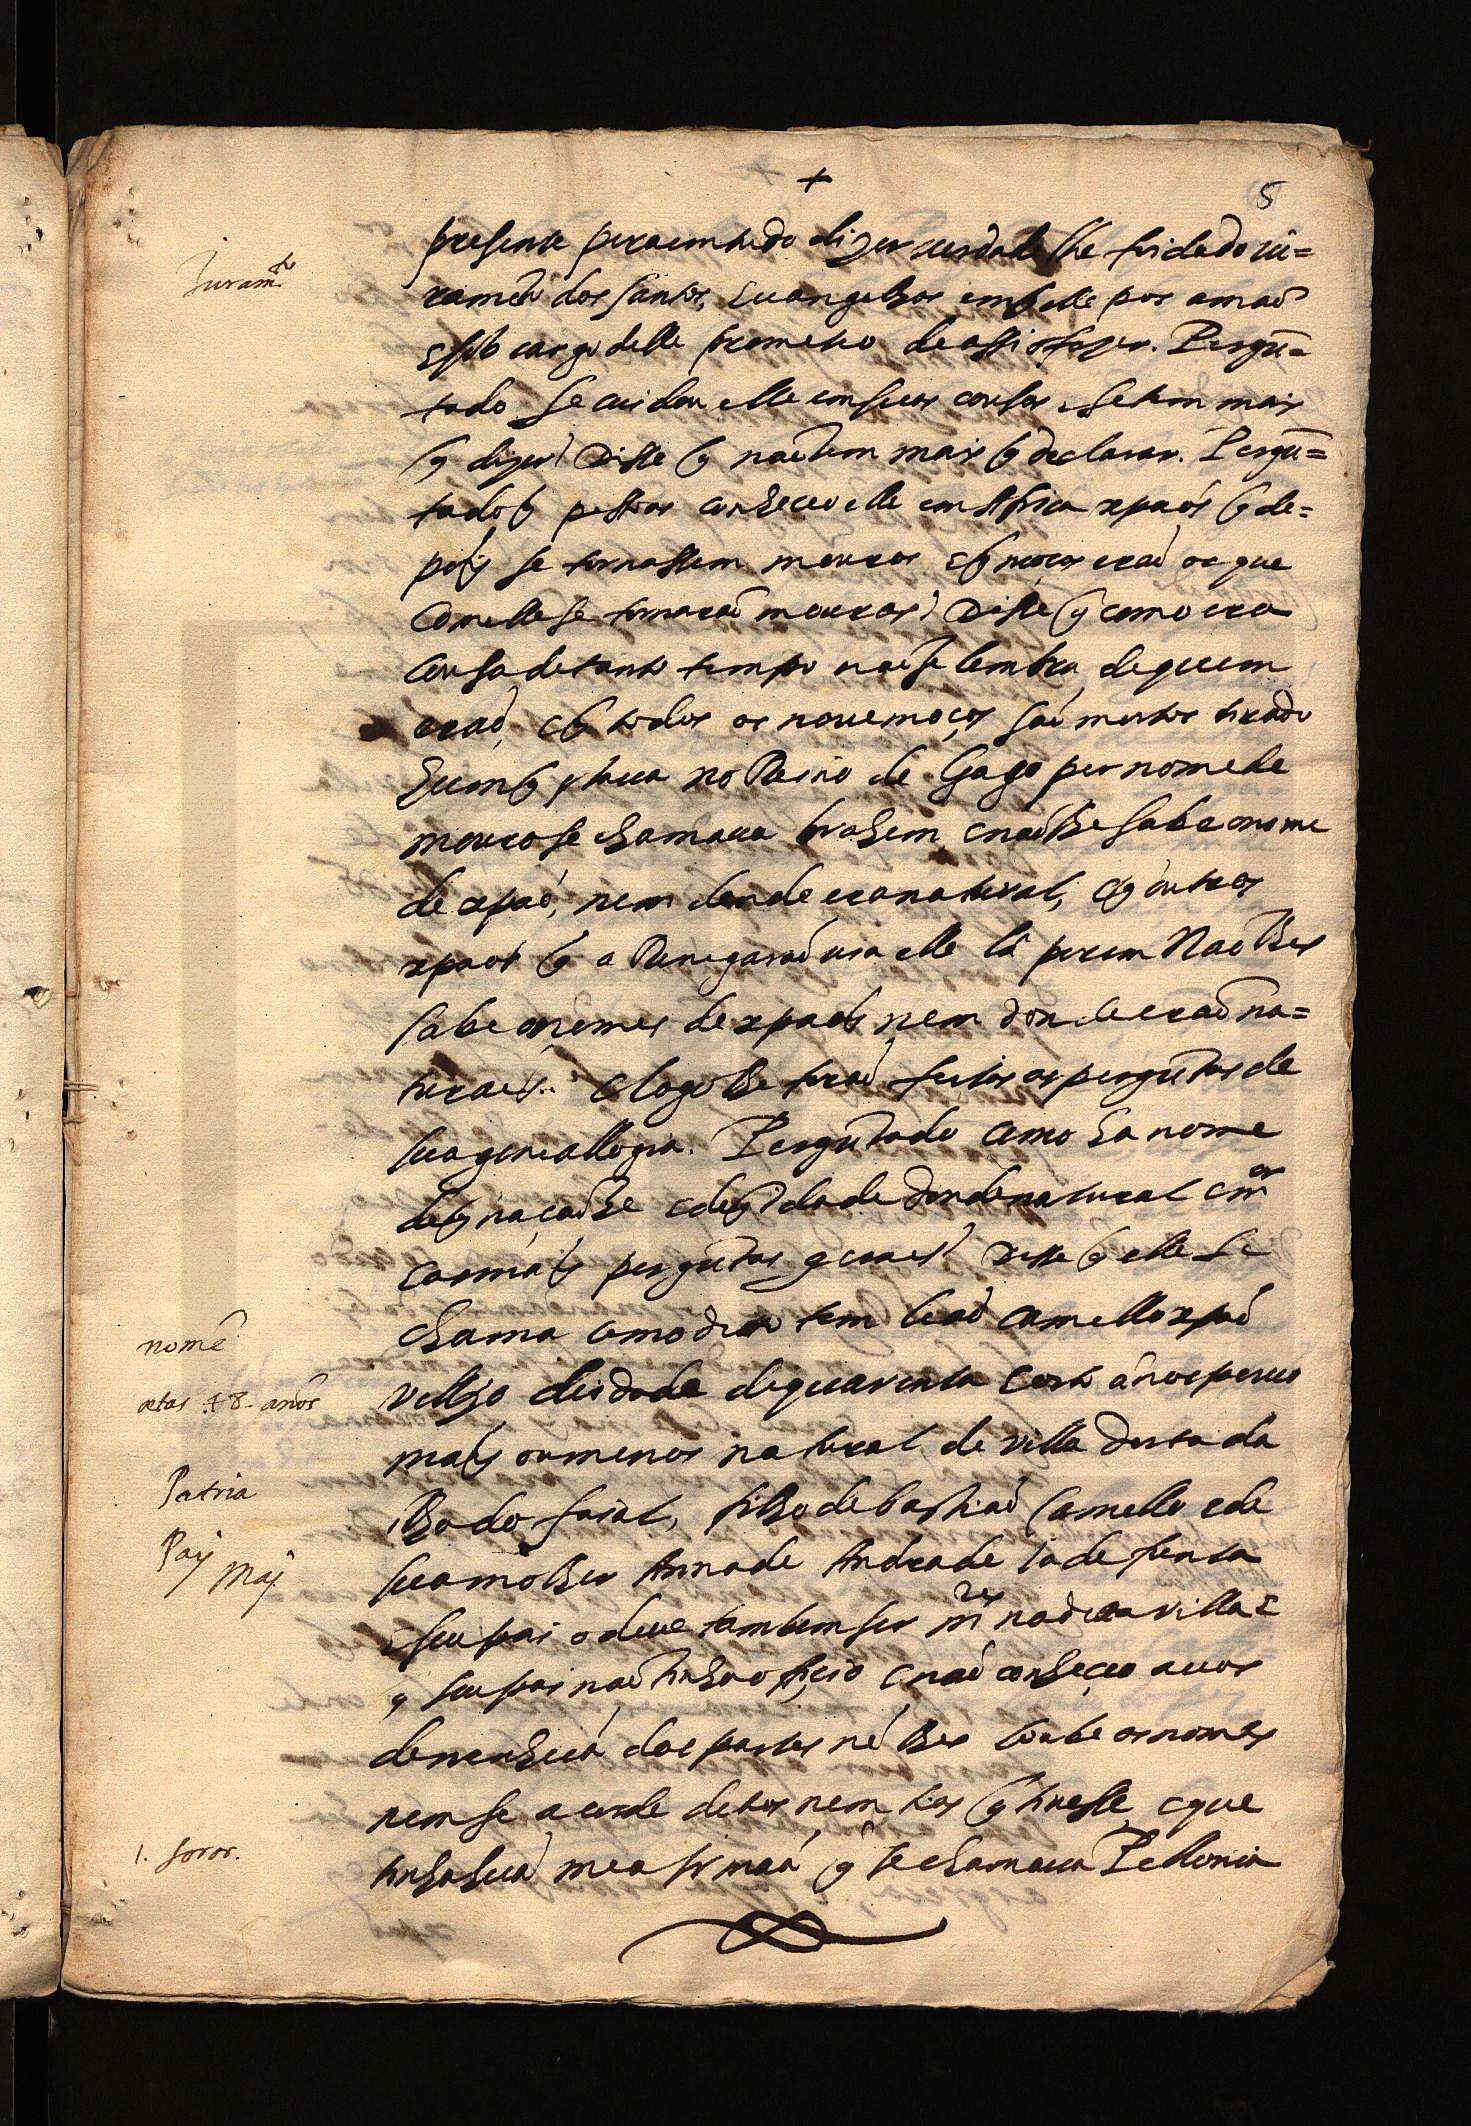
presente pera em tudo dizer uerdade lhe foi dado iu
Iuram.to
ramēto dos santos Euangelhos em q̄ elle pos a maõ
E sob cargo delle prometeo de assi o fazer. Pergū
tado se cuidou elle em suas cousas, e se tem mais
q̄ dizer / Disse q̄ naõ tem mais q̄ declarar. Pergū
tado q̄ pessoas conheceo elle em Africa xpaõs q̄ de
pois se tornassem mouros E q̄ moços eraõ os que
com elle se tornaraõ mouros / Disse q̄ como era
cousa de tanto tempo naõ se lembra de quem
eraõ, e q̄ todos os noue moços saõ mortos tirado
Hum q̄ estaua no Reino de Gago por nome de
mouro se chamaua brahem, e naõ lhe sabe o nome
de xpaõ, nem donde era natural, e q̄ outros
xpaõs q̄ aRenegaraõ uia elle lá porem naõ lhes
sabe o nomes de xpaõs nem donde eraõ na
turaes; E logo lhe foraõ feitas as pergūtas de
sua genealogia. Pergūtado como ha nome
de q̄ naçaõ he E de q̄ idade donde natural e m.or
E as mais pergūtas geraes? Disse q̄ elle se
chama como ditto tem leaõ camello xpaõ
nome
vellho de idade de quarenta E oito an̄os pouco
ætas .48. anōs
mais ou menos natural de villa desta da
Patria
ilha do faial, filho de bastiaõ Camello e de
Pay
Maj
sua molher Anna de Andrade ja defunta
E seu pai o deue tambem ser m.res na ditta villa E
q̄ seu pai naõ tinha officio e naõ conheceo auos
de nenhuā das partes nē lhes soube os nomes
nem se acorde de tios nem tias q̄ tiuesse e que
1. soror.
tinha huā mea Irmaā q̄ se chamaua Pellonia
